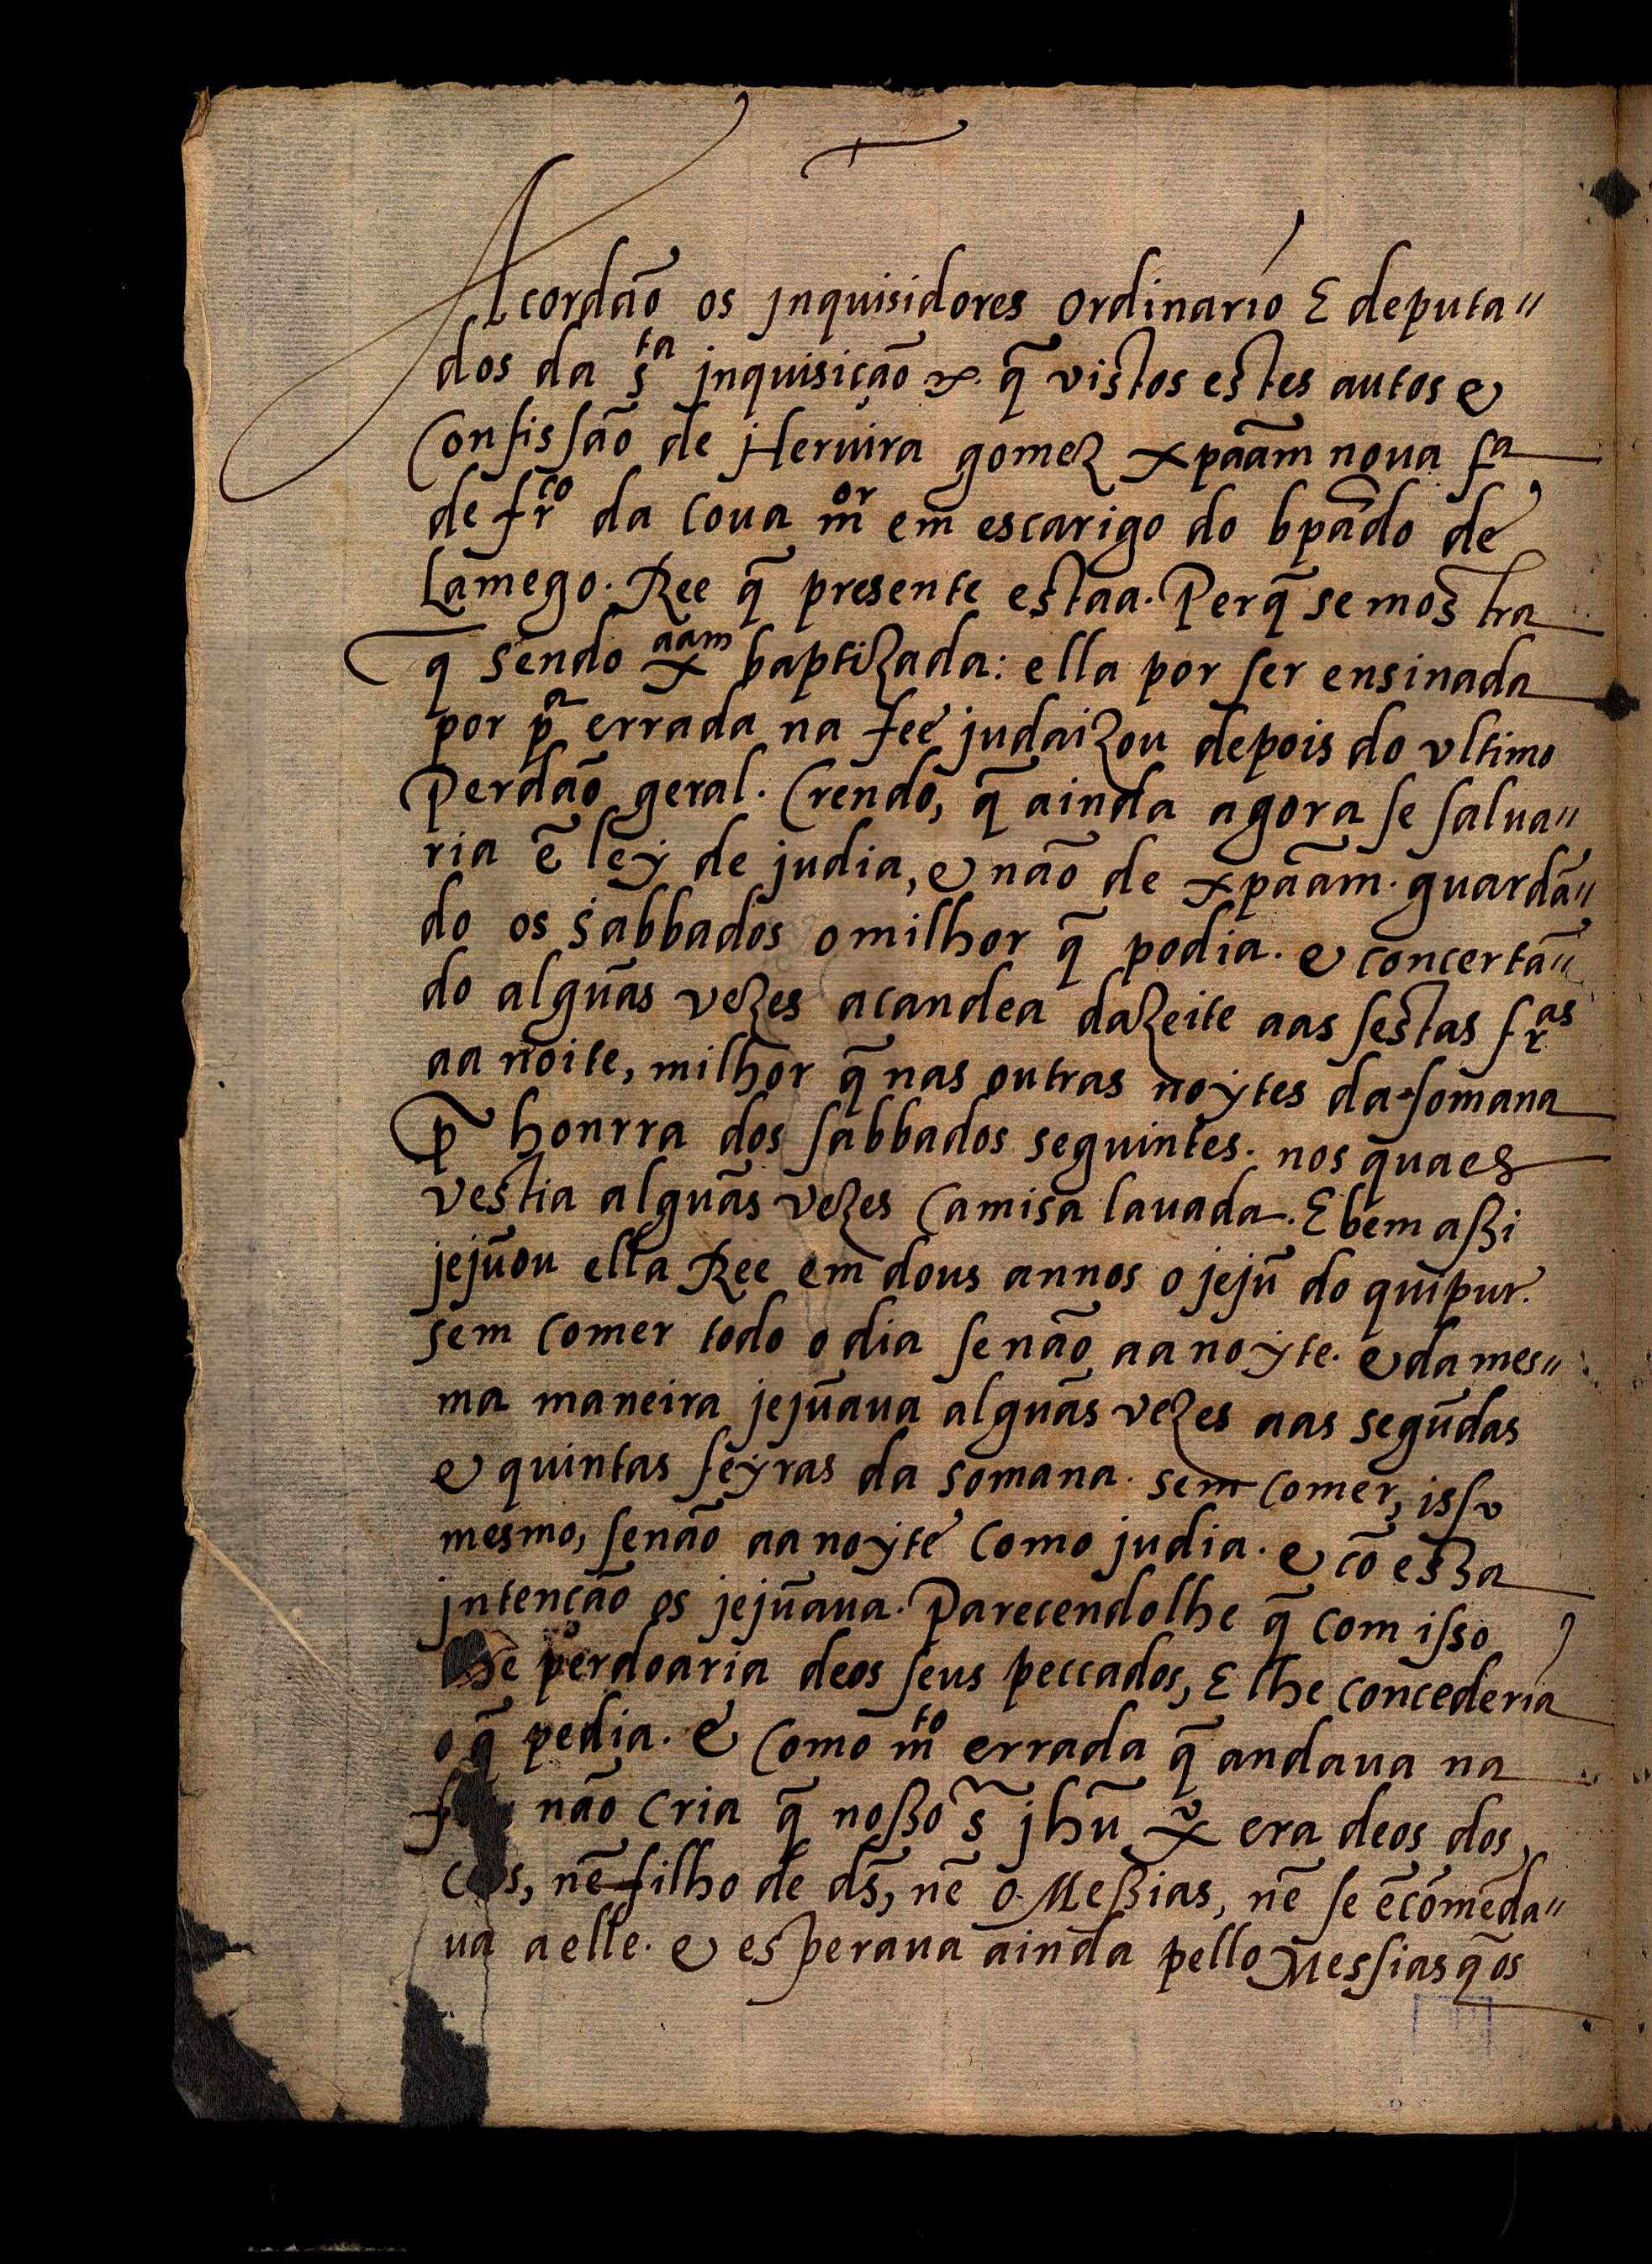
Acordaõ os jnquisidores ordinario E deputa
dos da sta jnquisiçaõ cꝭ. q̄ vistos estes autos e
Confissaõ de Heruira gomez Xpaãm noua fa
de frco da Coua mor em escarigo do bpādo de
Lamego. Ree q̄ presente estaa. Per q̄ se mostra
q̄ sendo xaam baptizada: ella por ser ensinada
por pa errada na feé judaizou depois do vltimo
Perdaõ geral. Crendo, q̄ ainda agora se salua
ria ē ley de judia, e naõ de xpaām. guardā
do os sabbados o milhor q̄ podia. e concertā
do algūas vezes a candea dazeite aas sestas fras
aa noite, milhor q̄ nas outras noytes da somana
p̄o honrra dos sabbados seguintes. nos quaes
vestia alguās vezes Camisa lauada. E bem assi
jejūou ella Ree em dous annos o jejū do quipur
sem comer todo o dia senão aa noyte. e da mes
ma maneira jejūaua alguās vezes aas segūdas
e quintas feyras da somana sem comer, isso
mesmo, senão aa noyte como judia. e cō essa
jntençaõ os jejūaua. Parecendo lhe q̄ com isso
lhe perdoaria deos seus peccados, E lhe concederia
o q̄ pedia. E Como mto errada q̄ andaua na
f_ naõ cria q̄ nosso sor jhū Xo era deos dos
ceos, nē filho de ds̄, nē o Messias, nē se ēcōmēda
ua a elle. e esperaua ainda pello Messias q̄ os
